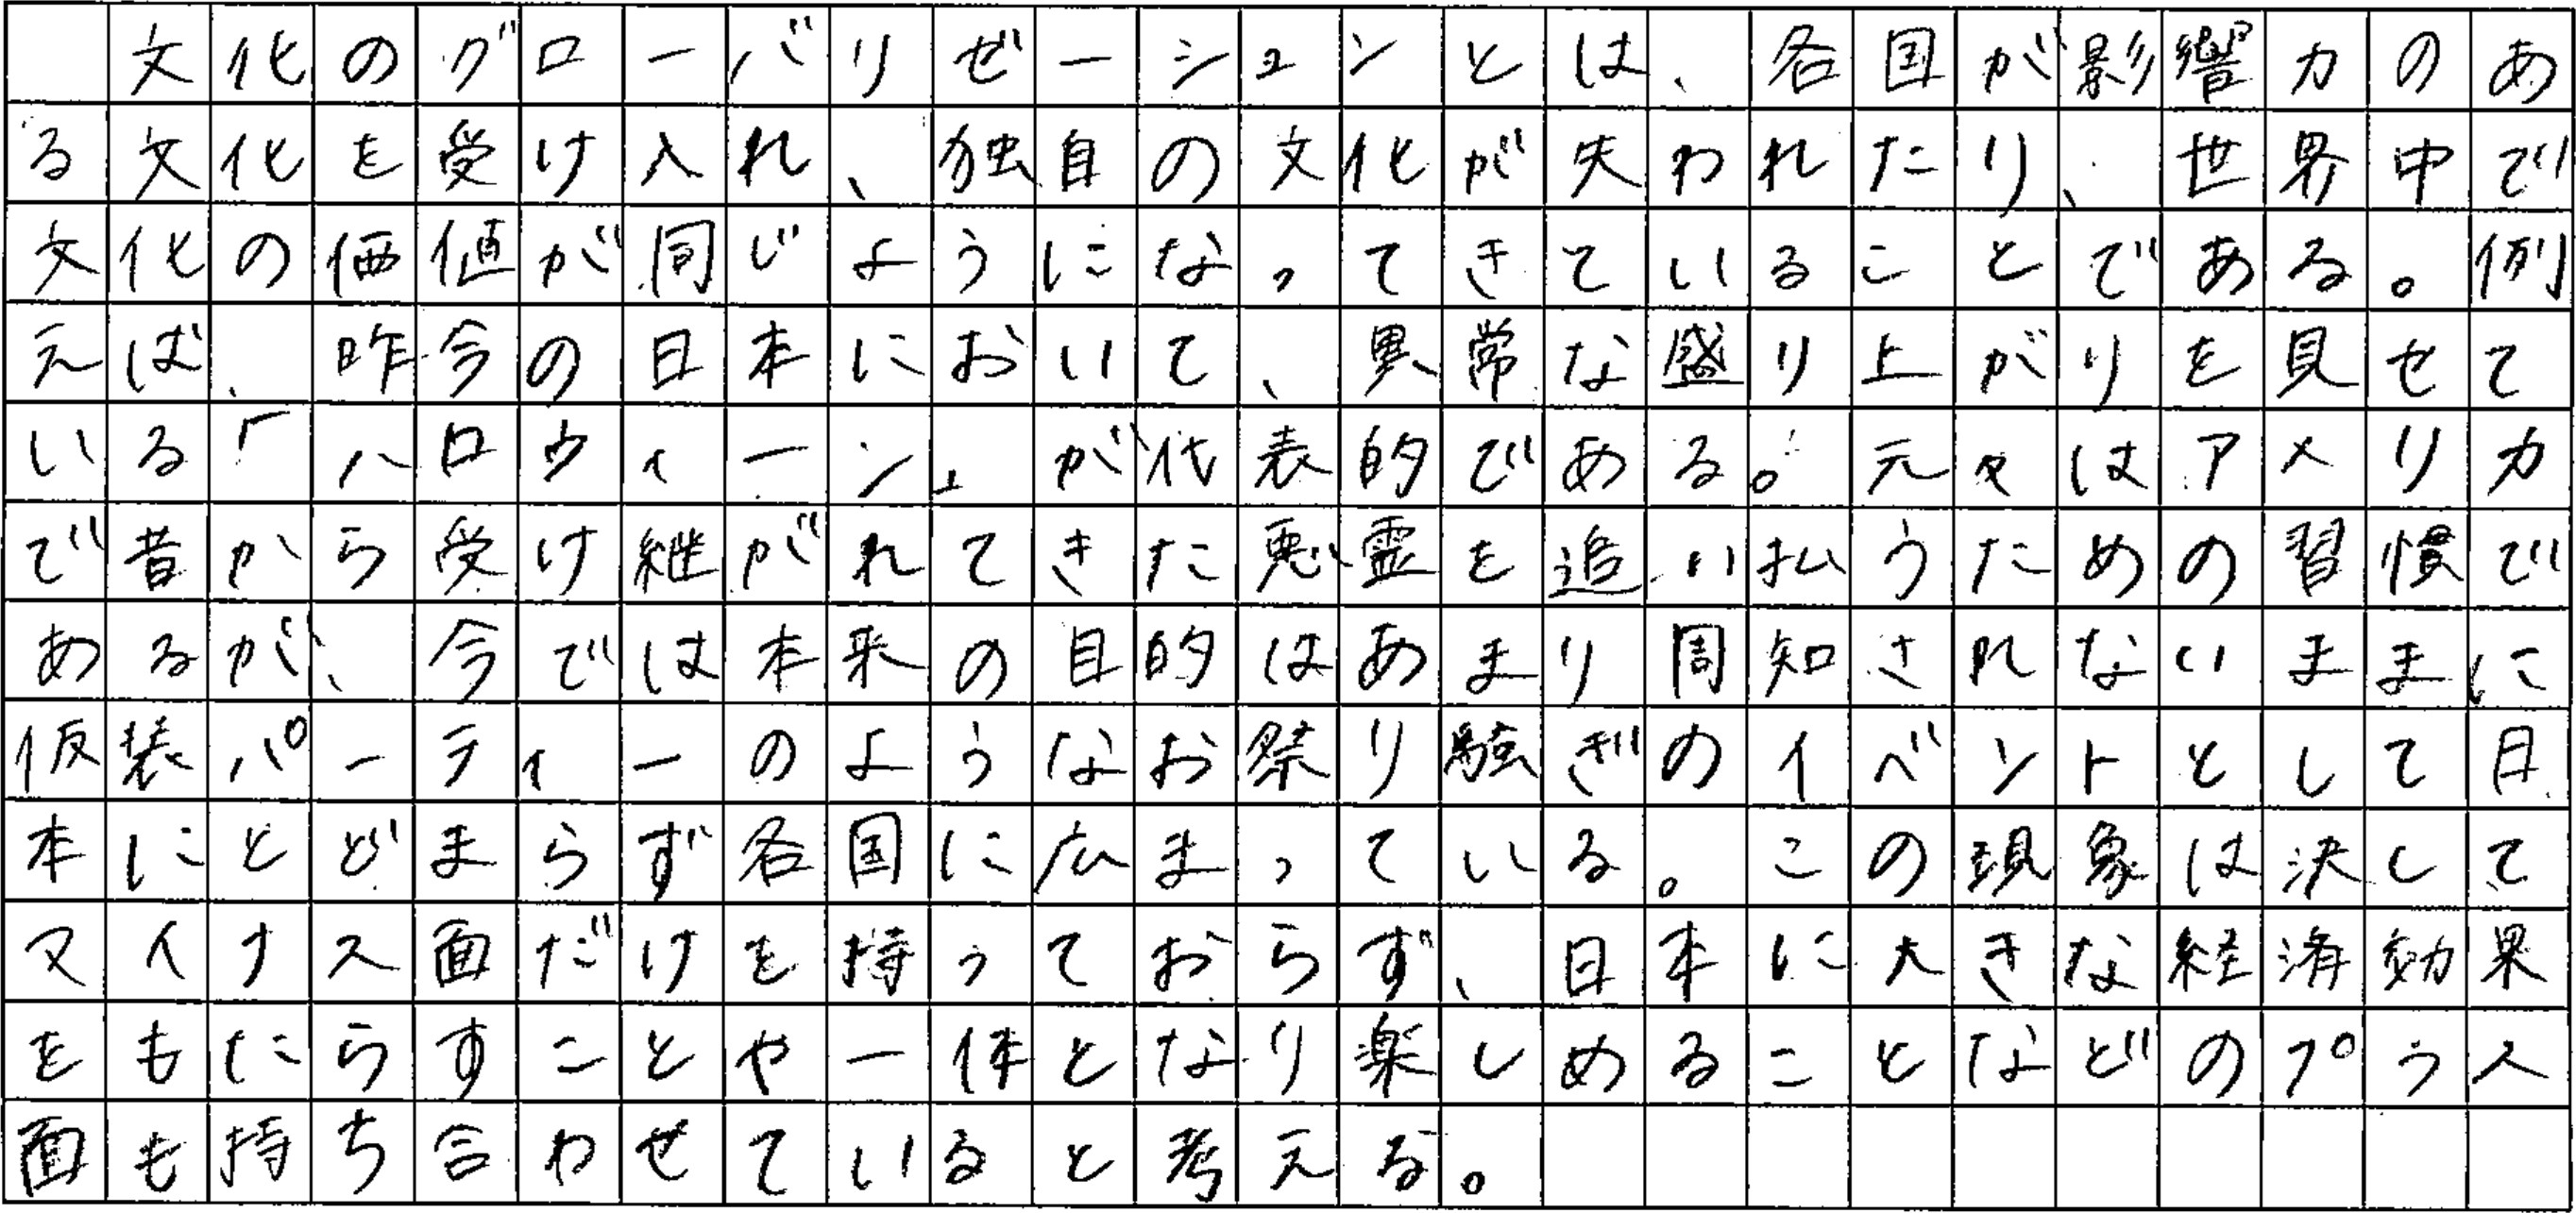　文化のグローバリゼーションとは、各国が影響力のある文化を受け入れ、独自の文化が失われたり、世界中で文化の価値が同じようになってきていることである。例えば、昨今の日本において、異常な盛り上がりを見せている「ハロウィーン」が代表的である。元々はアメリカで昔から受け継がれてきた悪霊を追い払うための習慣であるが、今では本来の目的はあまり周知されないままに仮装パーティーのようなお祭り騒ぎのイベントとして日本にとどまらず各国に広まっている。この現象は決してマイナス面だけを持っておらず、日本に大きな経済効果をもたらすことや一体となり楽しめることなどのプラス面も持ち合わせていると考える。
